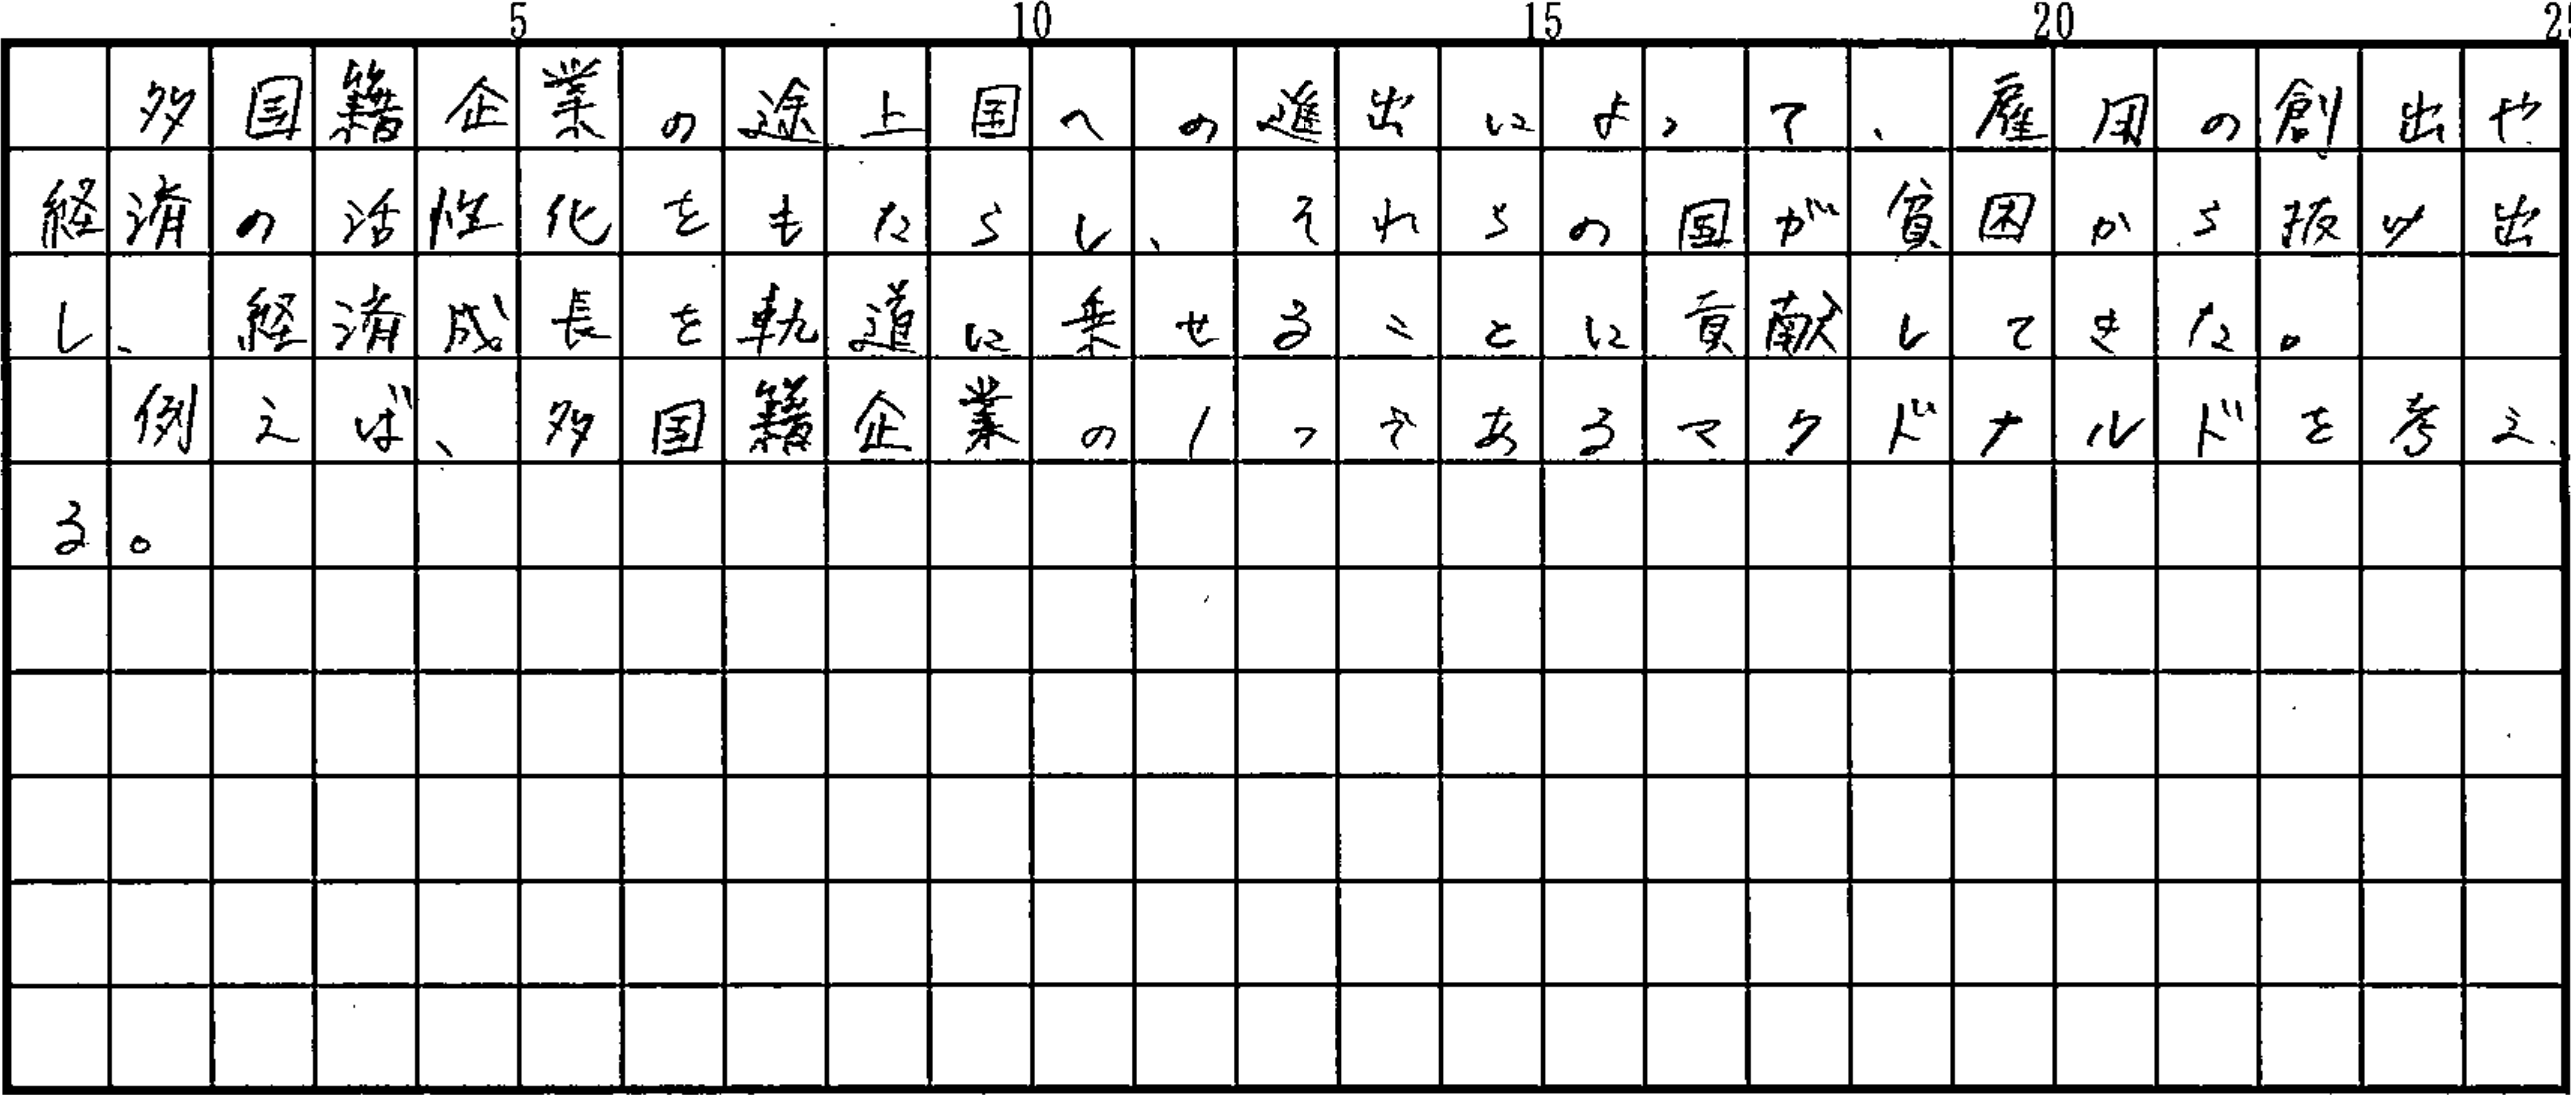　多国籍企業の途上国への進出によって、雇用の創出や経済の活性化をもたらし、それらの国が貧困から抜け出し、経済成長を軌道に乗せることに貢献してきた。
　例えば、多国籍企業の１つであるマクドナルドを考える。
